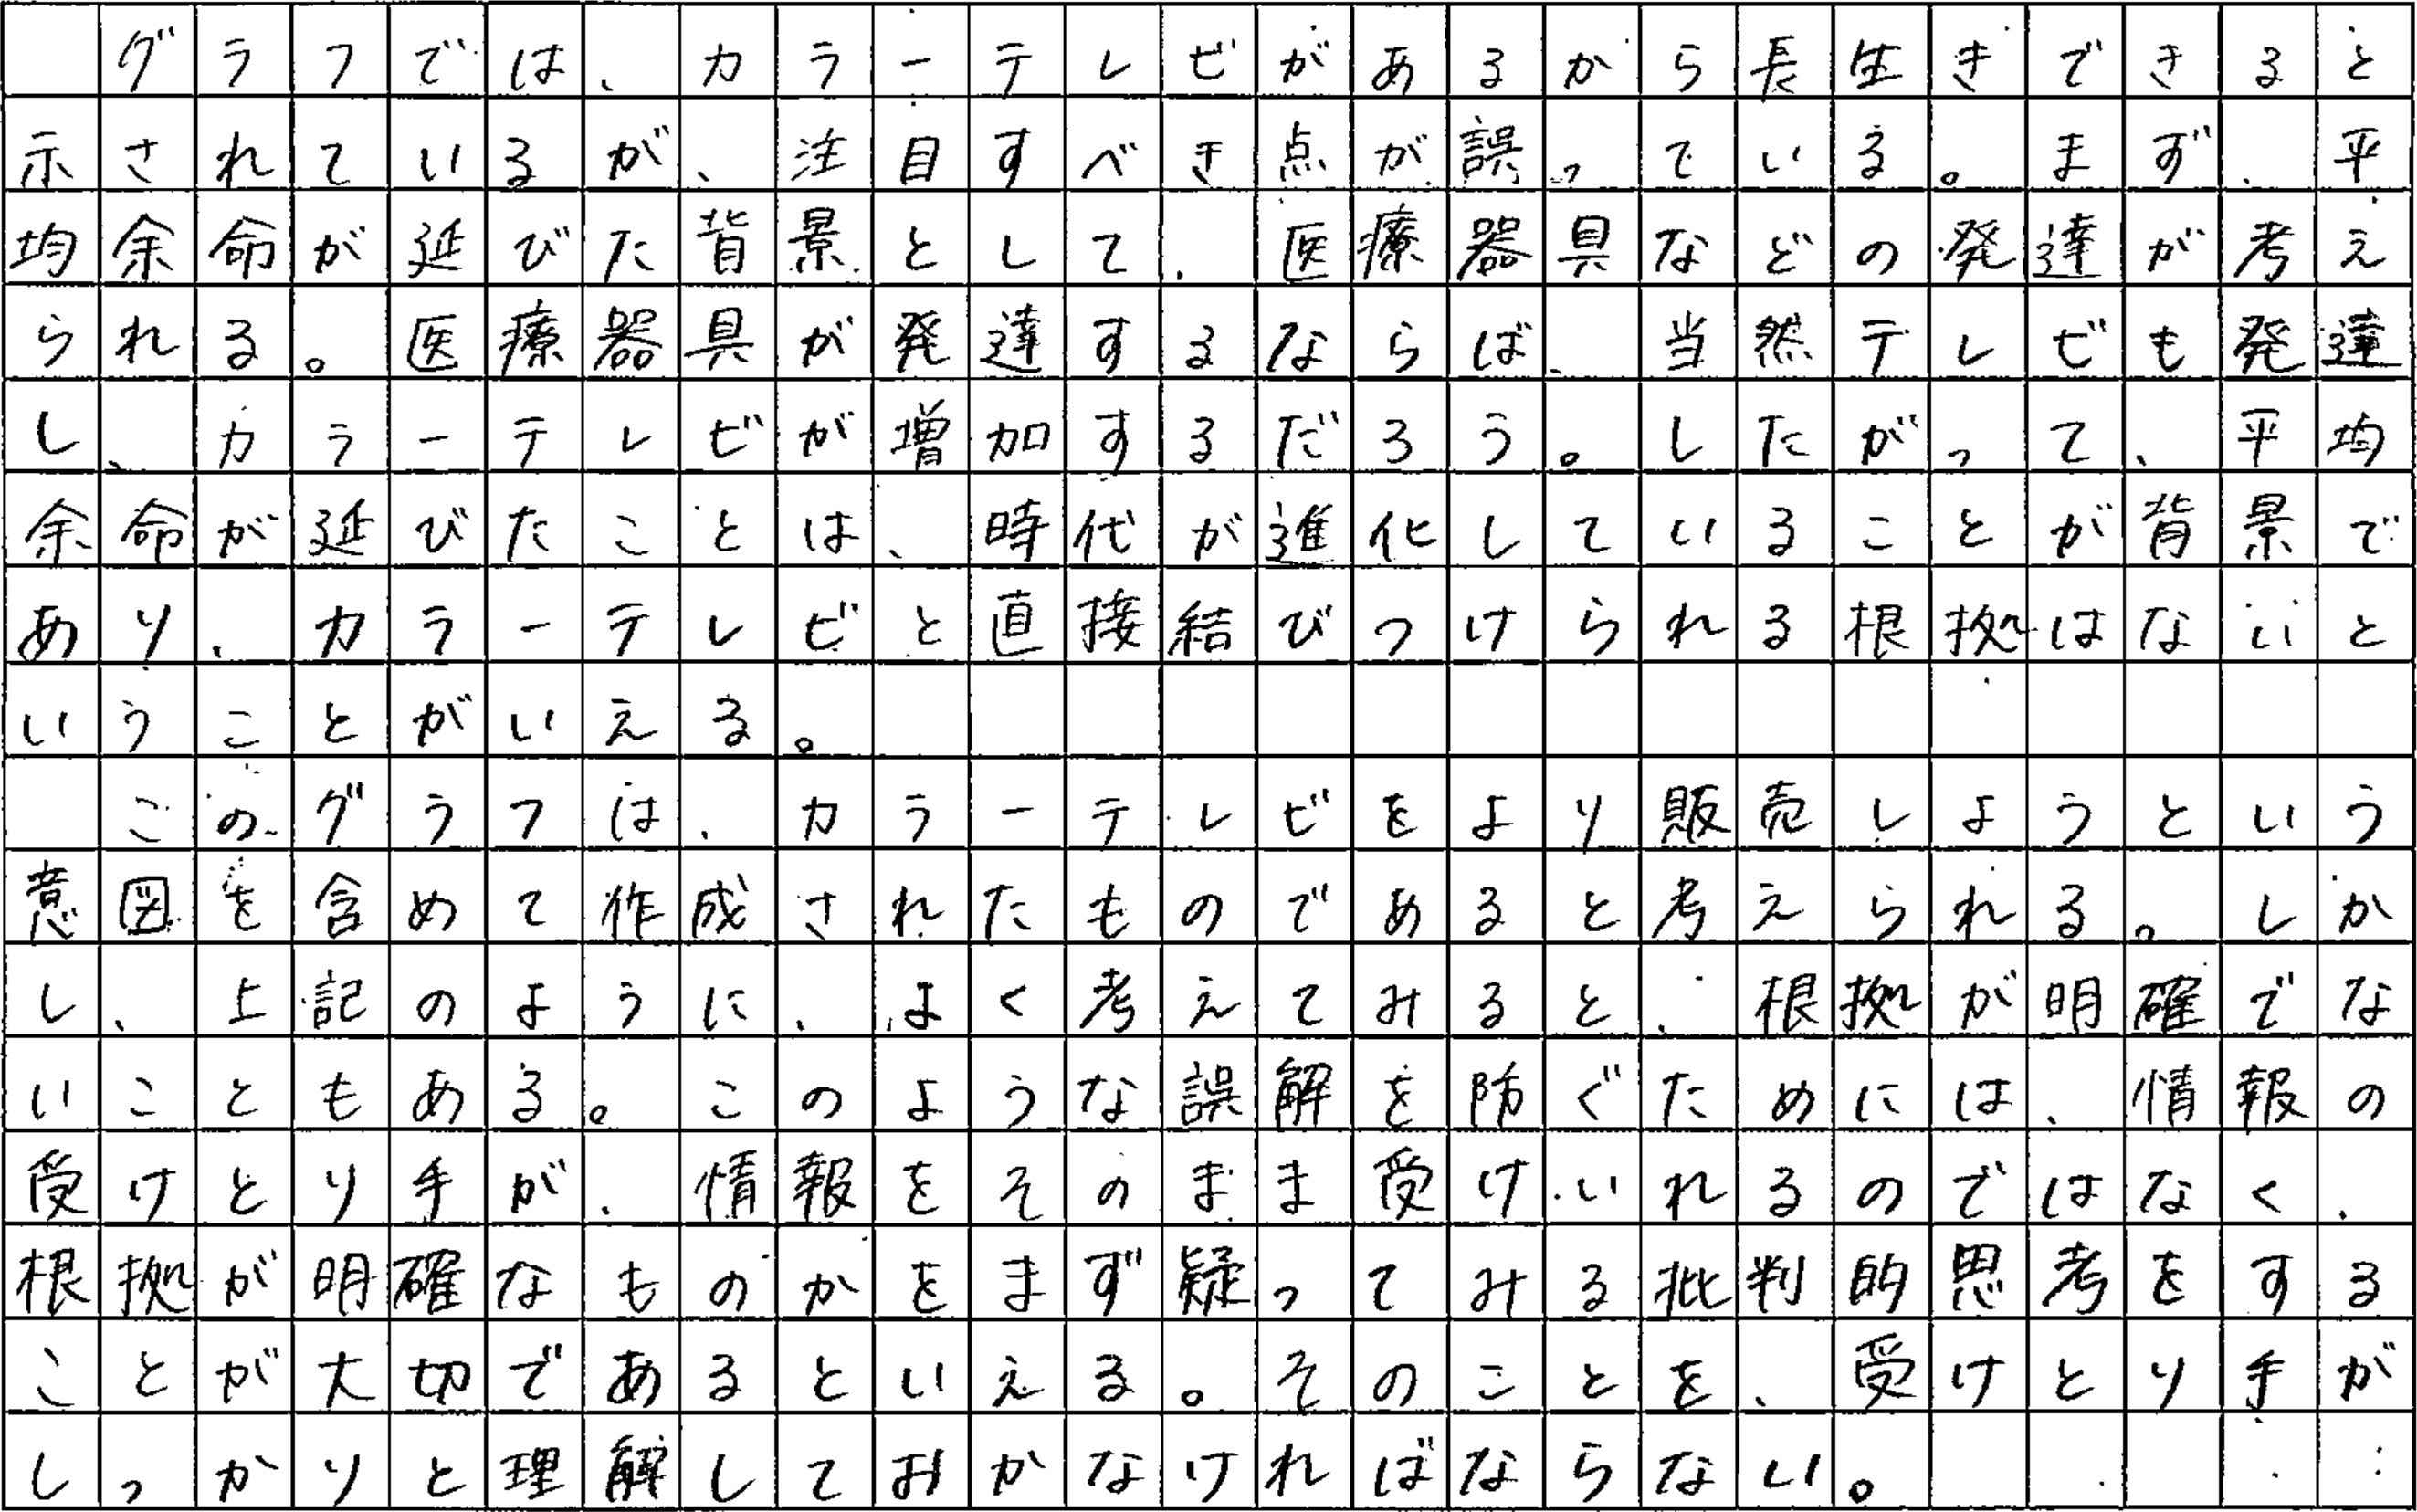　グラフでは、カラーテレビがあるから長生きできると示されているが、注目すべき点が誤っている。まず、平均余命が延びた背景として、医療器具などの発達が考えられる。医療器具が発達するならば、当然テレビも発達し、カラーテレビが増加するだろう。したがって、平均余命が延びたことは、時代が進化していることが背景であり、カラーテレビと直接結びつけられる根拠はないということがいえる。
　このグラフは、カラーテレビをより販売しようという意図を含めて作成されたものであると考えられる。しかし、上記のように、よく考えてみると、根拠が明確でないこともある。このような誤解を防ぐためには、情報の受けとり手が、情報をそのまま受けいれるのではなく、根拠が明確なものかをまず疑ってみる批判的思考をすることが大切であるといえる。そのことを、受けとり手がしっかりと理解しておかなければならない。
